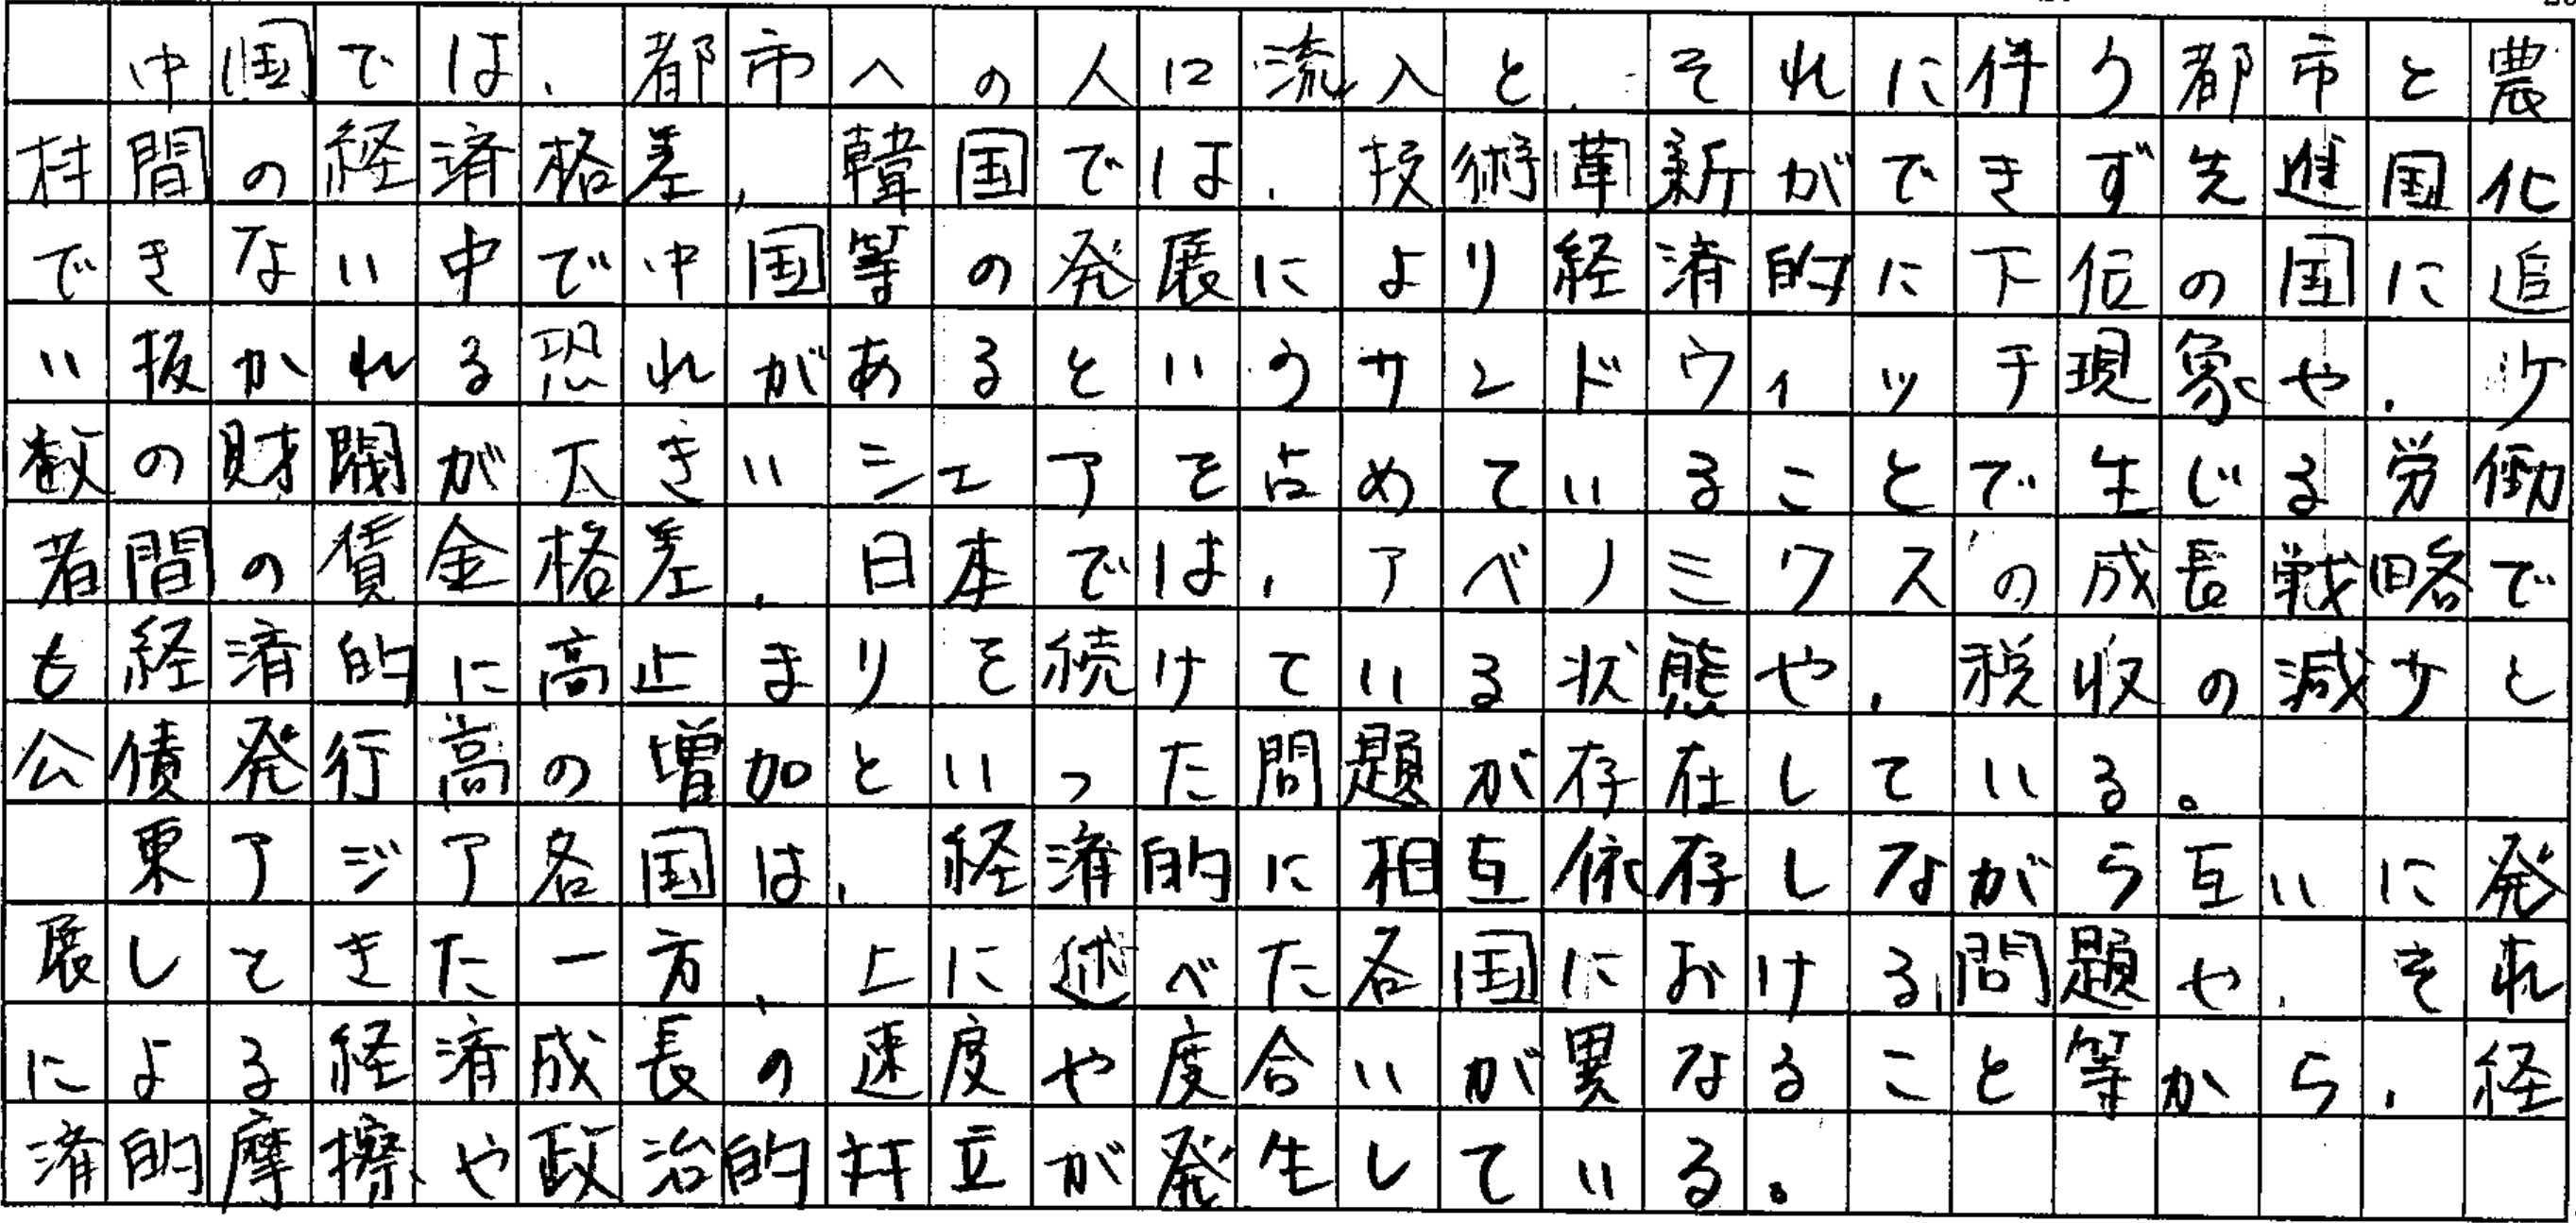　中国では、都市への人口流入と、それに伴う都市と農村間の経済格差，韓国では、技術革新ができず先進国化できない中で中国等の発▁により経済的に下位の国に追い抜かれる恐れがあるというサンドウィッチ現象や，少数の財閥が大きいシェアを占めていることで生じる労働者間の賃金格差，日本では，アベノミクスの成長戦略でも経済的に高止まりを続けている状態や，税収の減少と公債発行高の増加といった問題が存在している。
　東アジア各国は，経済的に相互依存しながら互いに発▁してきた一方、上に述べた各国における問題や、それによる経済成長の速度や度合いが異なること等から，経済的摩擦や政治的対立が発生している。
